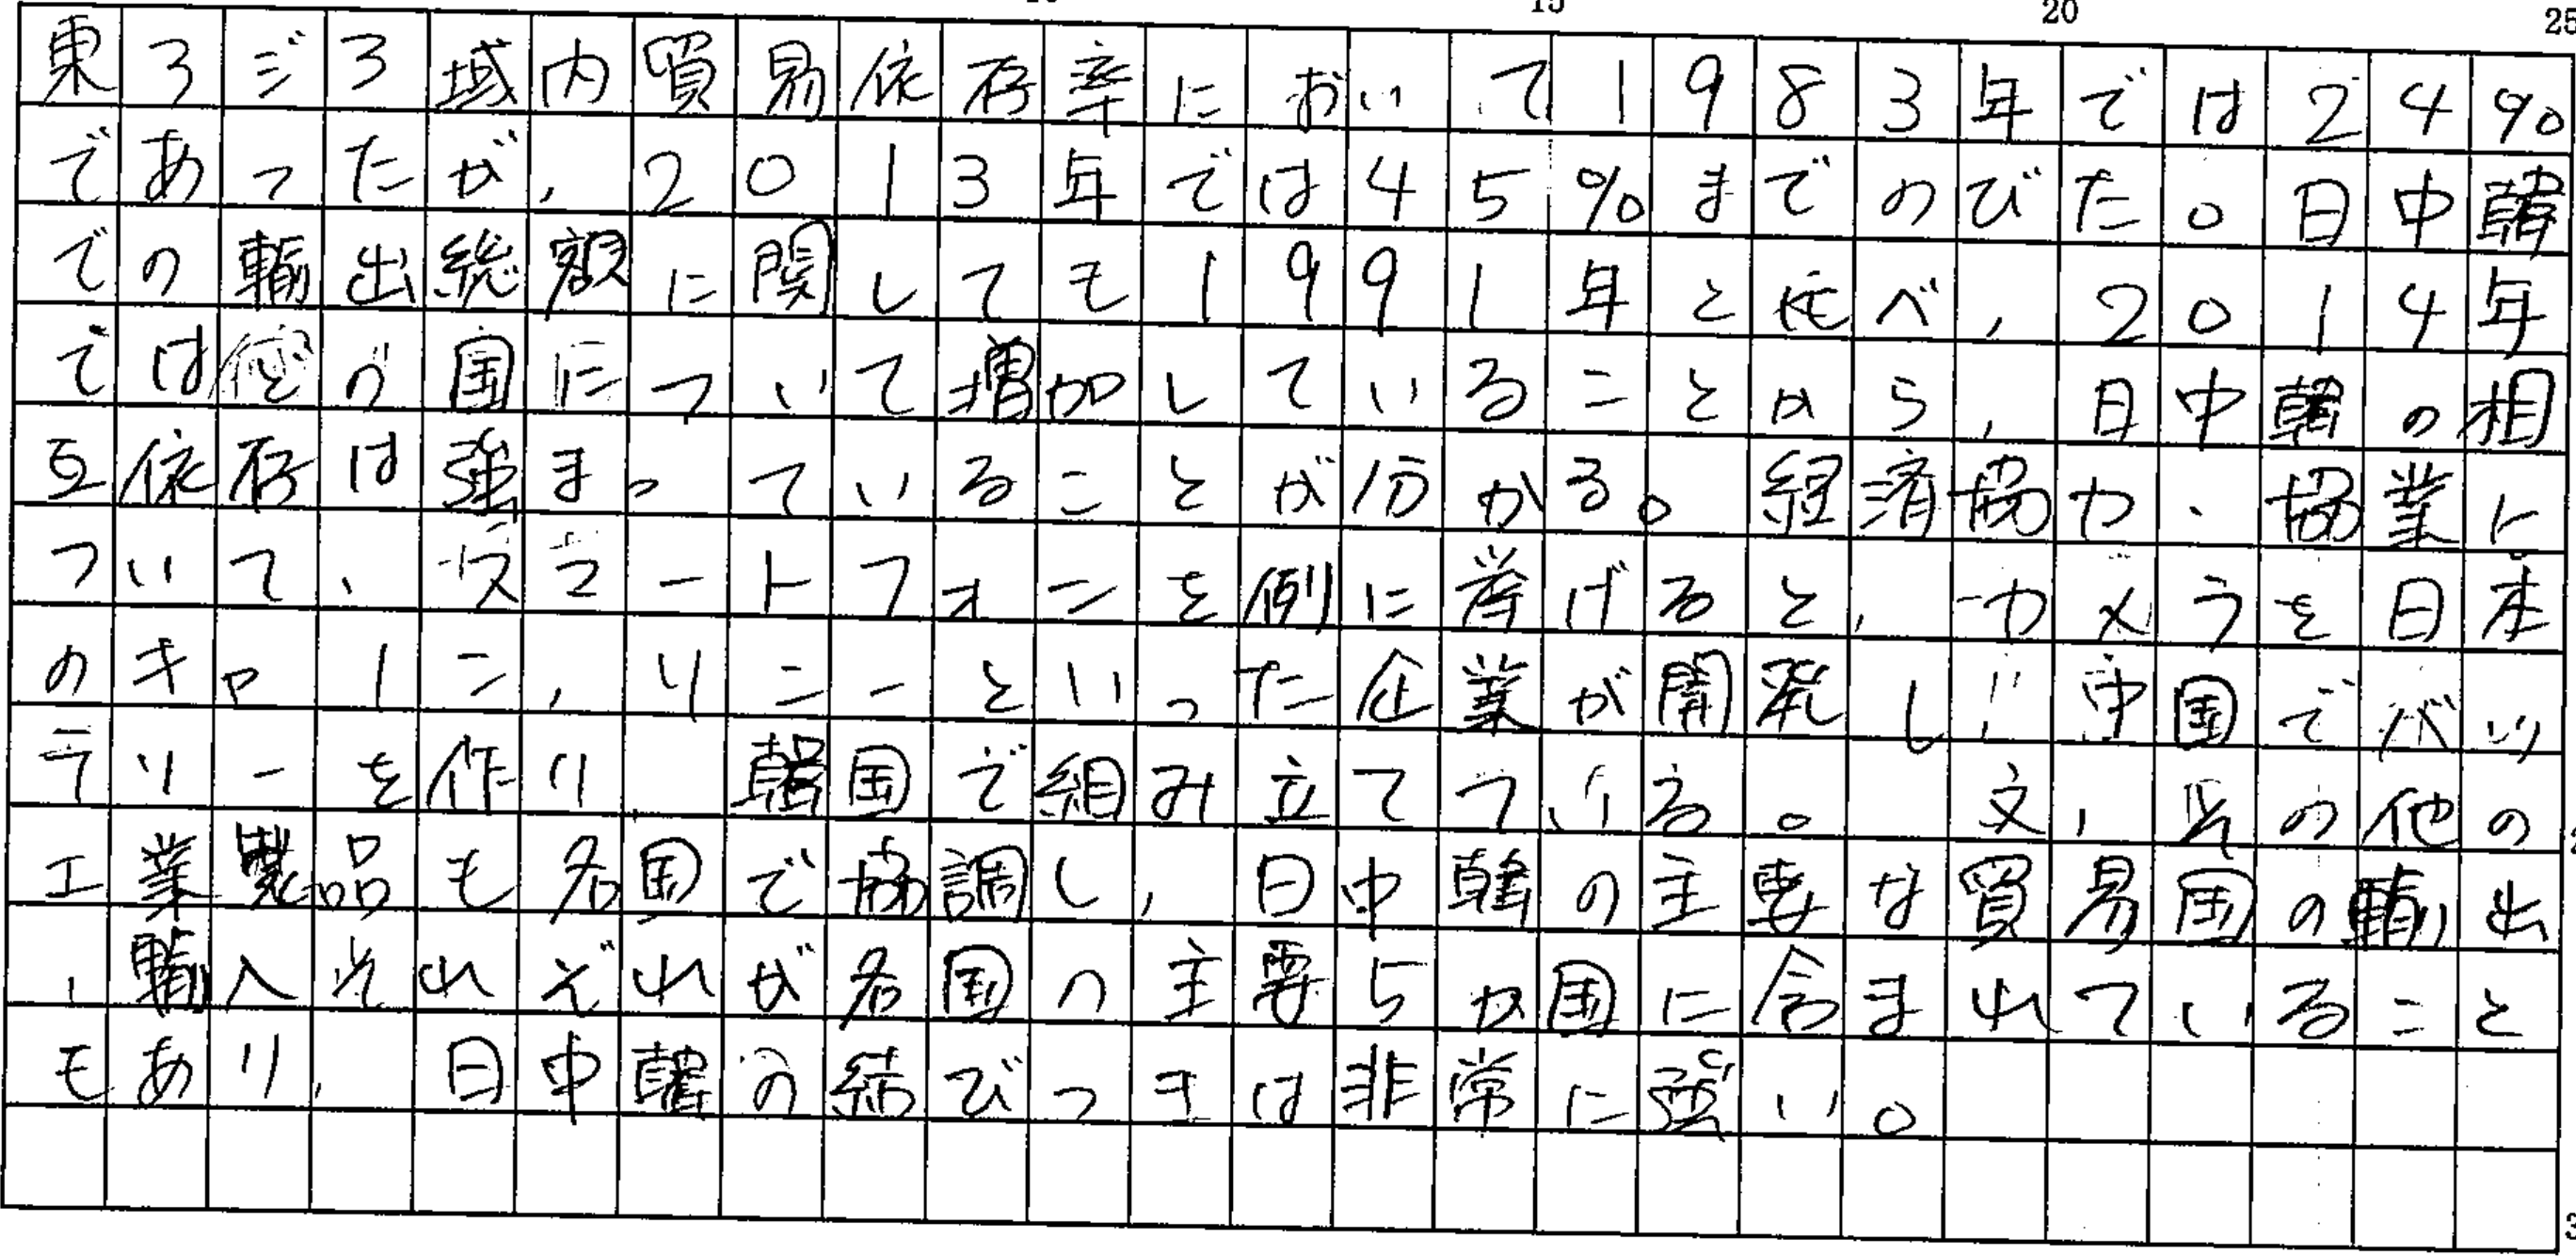東アジア域内貿易依存率において１９８３年では２４％であったが，２０１３年では４５％までのびた。日中韓での輸出総額に関しても１９９１年と比べ，２０１４年ではどの国について増加していることから，日中韓の相互依存は強まっていることが分かる。経済協力・協業について、スマートフォンを例に挙げると，カメラを日本のキャノン，ソニーといった企業が開発し，中国でバッテリーを作り，韓国で組み立てている。文，その他の工業製品も各国で協調し，日中韓の主要な貿易国の輸出，輸入それぞれが各国の主要５か国に含まれていることもあり，日中韓の結びつきは非常に強い。
